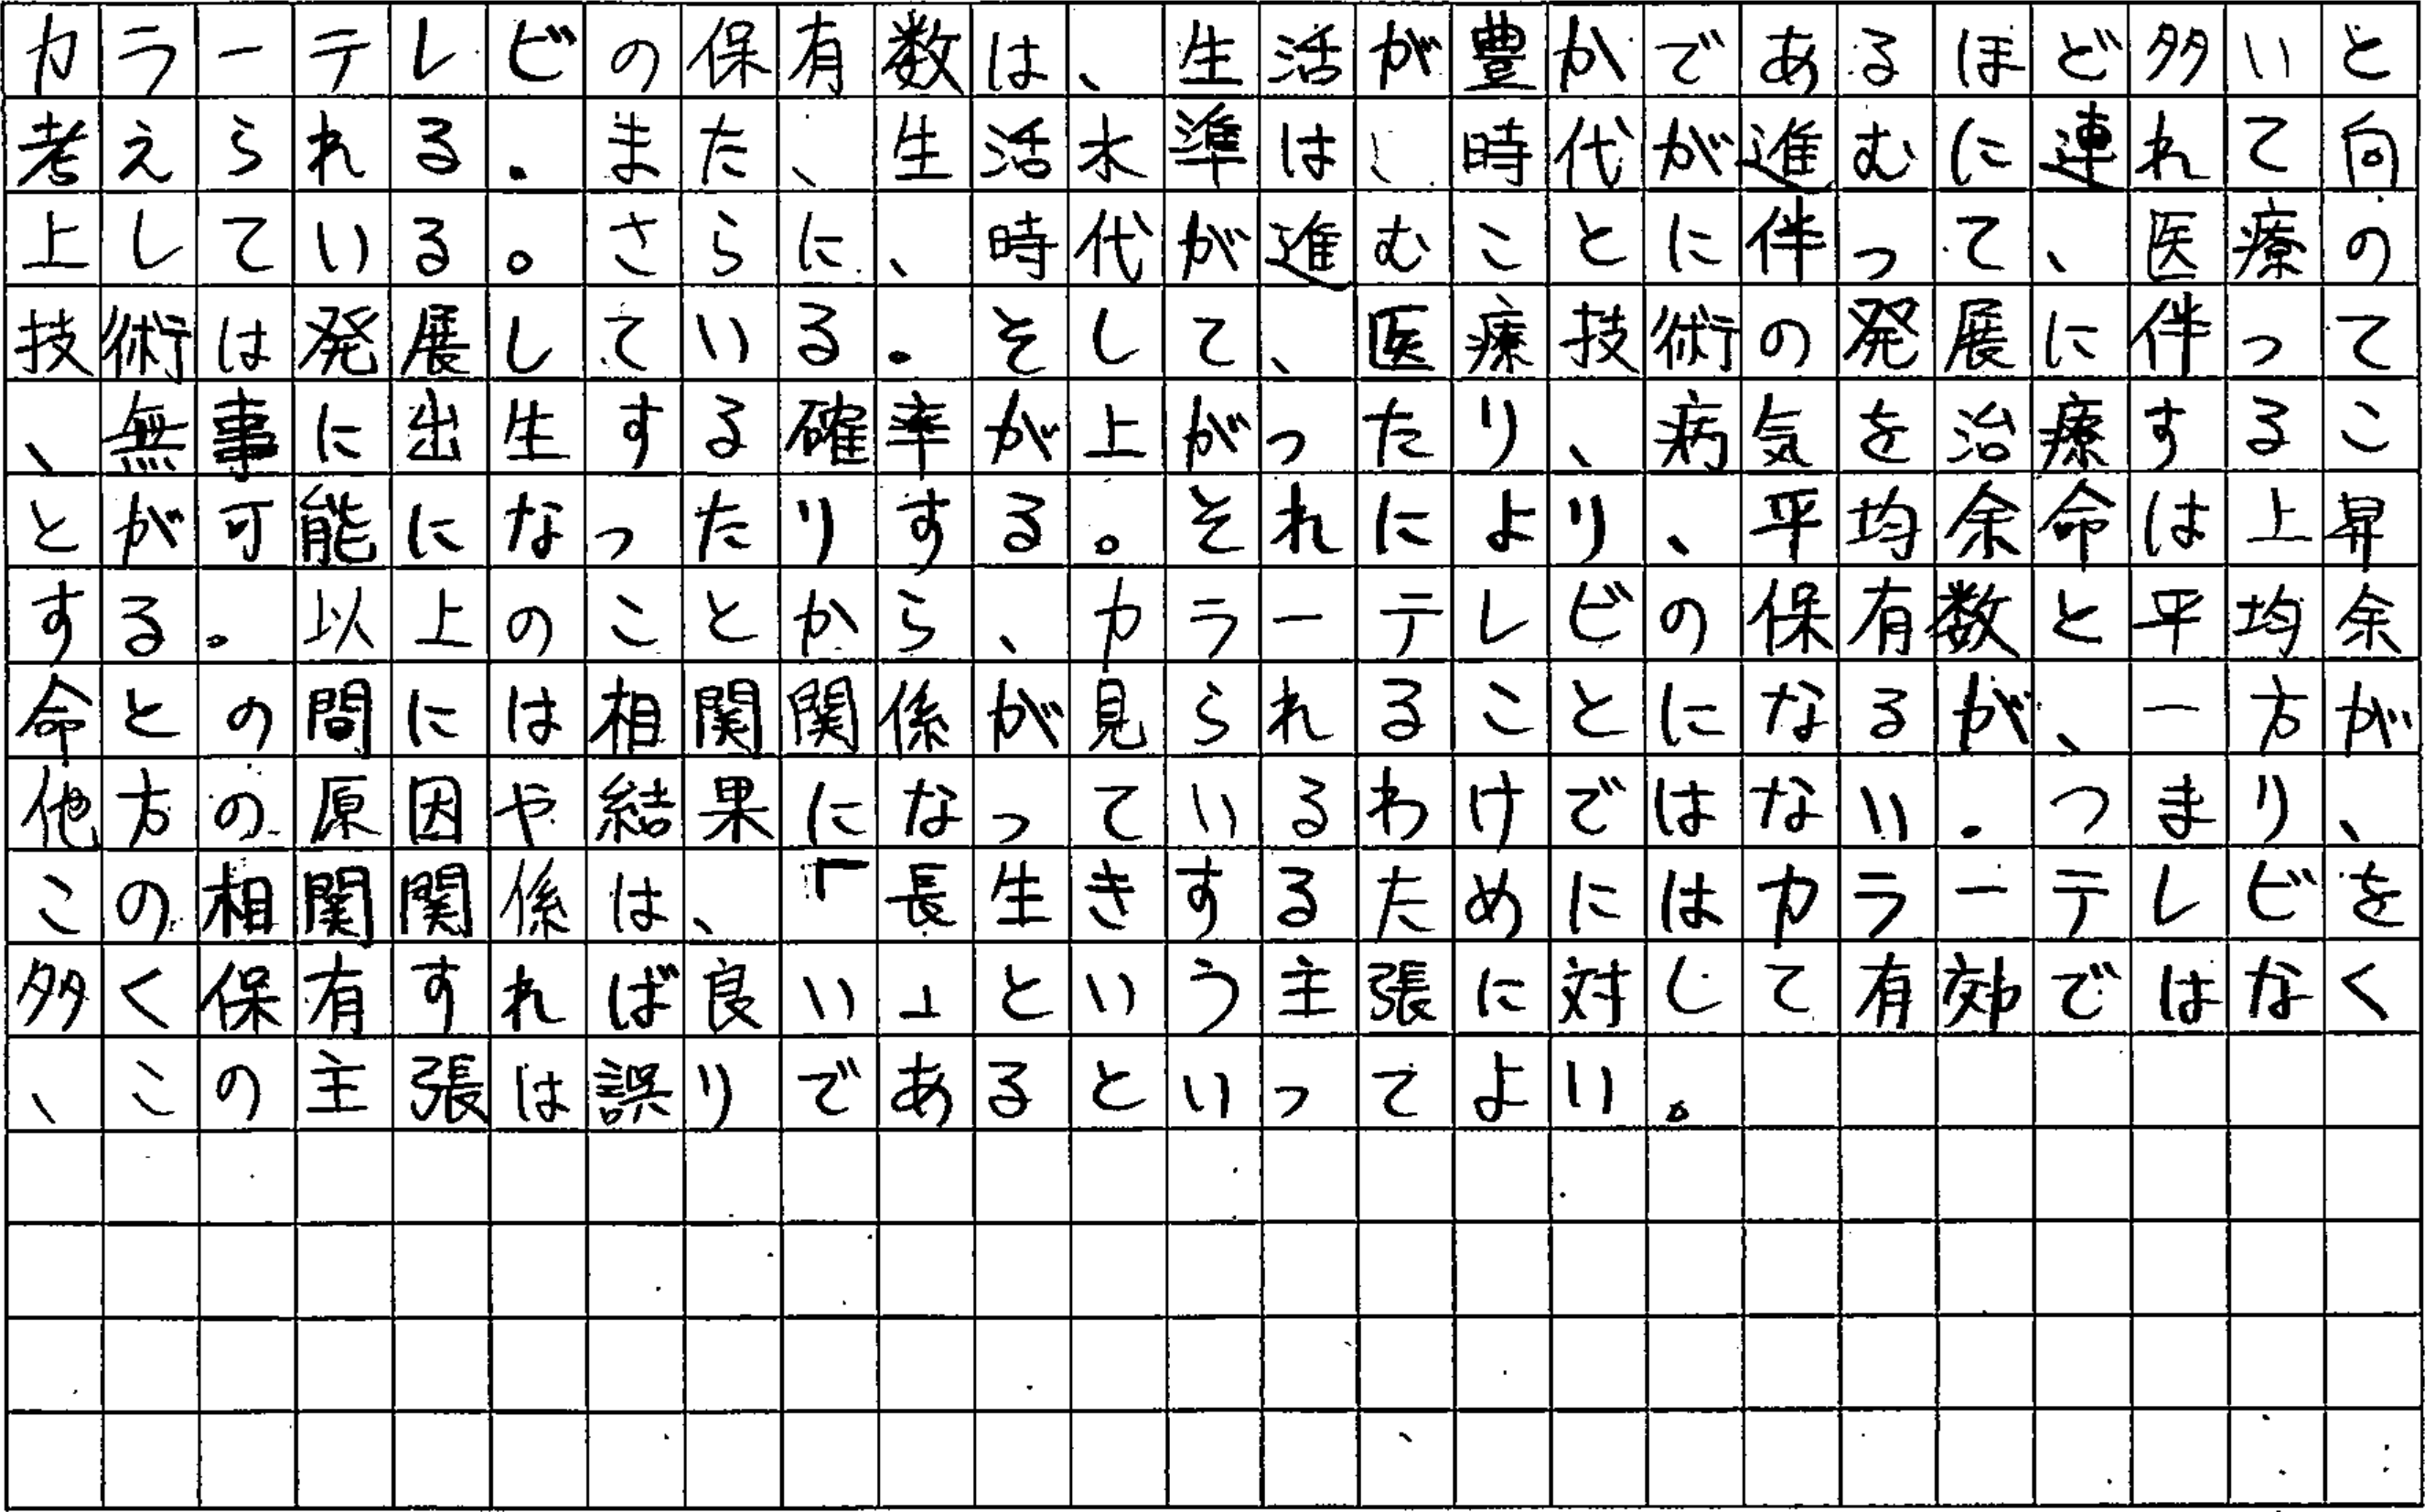カラーテレビの保有数は、生活が豊かであるほど多いと考えられる。また、生活水準は、時代が進むに連れて向上している。さらに、時代が進むことに伴って、医療の技術は発展している。そして、医療技術の発展に伴って、無事に出生する確率が上がったり、病気を治療することが可能になったりする。それにより、平均余命は上昇する。以上のことから、カラーテレビの保有数と平均余命との間には相関関係が見られることになるが、一方が他方の原因や結果になっているわけではない。つまり、この相関関係は、「長生きするためにはカラーテレビを多く保有すれば良い」という主張に対して有効ではなく、この主張は誤りであるといってよい。
